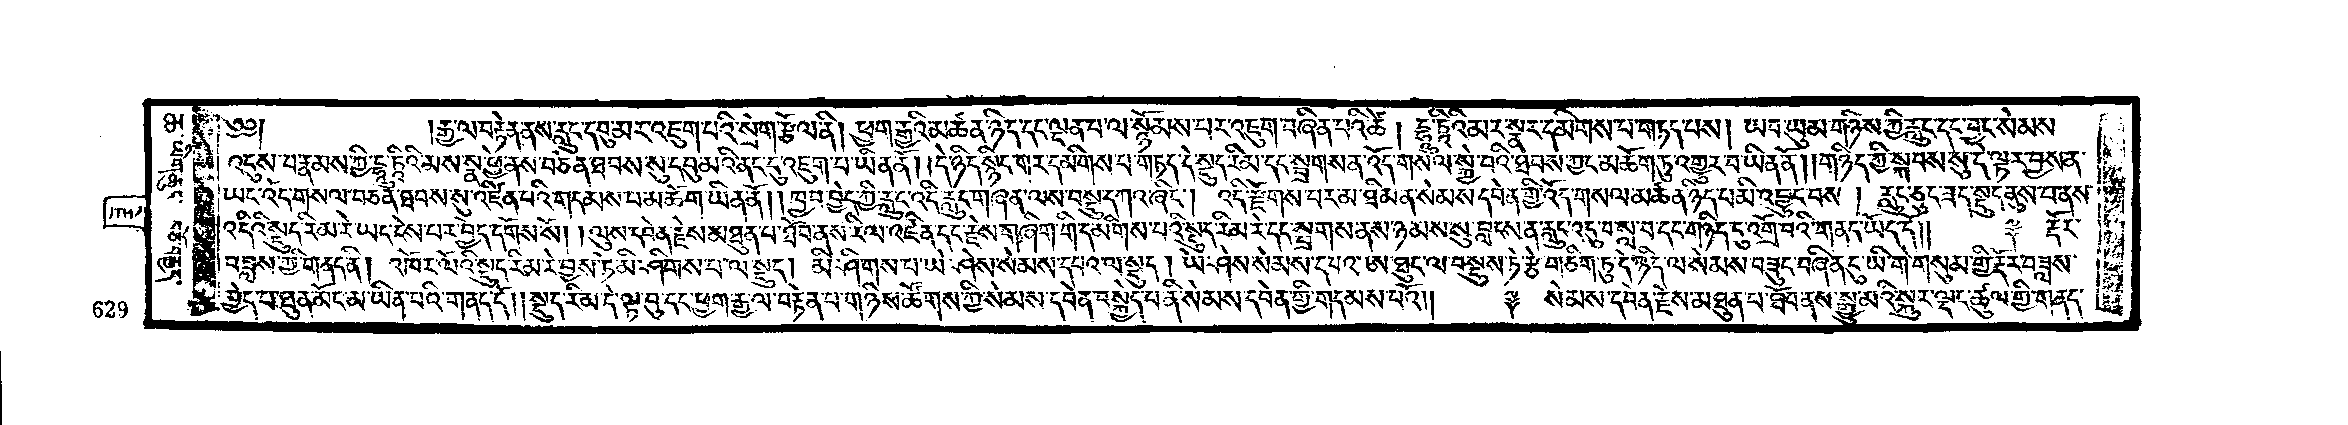༄༅། །རྒྱ་ལ་བརྟེན་ནས་རླུང་དབུ་མར་འཇུག་པའི་སྲོག་རྩོལ་ནི། ཕྱག་རྒྱའི་མཚན་ཉིད་དང་ལྡན་པ་ལ་སྙོམས་པར་འཇུག་བཞིན་པའི་ཚེ། དྷཱུ་ཏཱིའི་མར་སྣར་དམིགས་པ་གཏད་པས། ཡབ་ཡུམ་གཉིས་ཀྱི་རླུང་དང་བྱང་སེམས་
འདུས་པ་རྣམས་ཀྱི་དྷཱུ་ཏཱིའི་མས་སྣ་ཕྱེ་ནས་བཙན་ཐབས་སུ་དབུ་མའི་ནང་དུ་འཇུག་པ་ཡིན་ནོ། །དེ་ཉིད་སྙིང་གར་དམིགས་པ་གཏད་དེ་སྡུད་རིམ་དང་སྦྲགས་ན་འོད་གསལ་སྐྱེ་བའི་ཐབས་ཀྱང་མཆོག་ཏུ་འགྱུར་བ་ཡིན་ནོ། །གཉིད་ཀྱི་སྐབས་སུ་དེ་ལྟར་བྱས་ན་
ཡང་འོད་གསལ་བཙན་ཐབས་སུ་འཛིན་པའི་གདམས་པ་མཆོག་ཡིན་ནོ། །ཁྱབ་བྱེད་ཀྱི་རླུང་འདི་རླུང་གཞན་ལས་བསྡུ་དཀའ་ཞིང་། འདི་རྫོགས་པར་མ་ཐིམ་ན་སེམས་དབེན་གྱི་འོད་གསལ་མཚན་ཉིད་པ་མི་འབྱུང་བས། རླུང་ཅུང་ཟད་སྡུད་ནུས་པ་ནས་
འདིའི་སྡུད་རིམ་རེ་ཡང་ངེས་པར་བྱེད་དགོས་སོ། །ལུས་དབེན་རྗེས་མཐུན་པ་ཐོབ་ནས་རིལ་འཛིན་དང་རྗེས་གཞིག་གི་དམིགས་པའི་སྡུད་རིམ་རེ་དང་སྦྲགས་ནས་ཉམས་སུ་བླངས་ན་རླུང་འདུ་བ་སླ་བ་དང་གཉིད་དུ་འགྲོ་བའི་གནད་ཡོད་དོ།། ༈ རྡོར་
བཟླས་ཀྱི་གནད་ནི། འཁོར་ལོའི་སྡུད་རིམ་རེ་བྱས་ཏེ་མི་ཤིགས་པ་ལ་སྡུད། མི་ཤིགས་པ་ཡེ་ཤེས་སེམས་དཔའ་ལ་སྡུད། ཡེ་ཤེས་སེམས་དཔའ་ཨ་ཐུང་ལ་བསྡུས་ཏེ་རྩེ་གཅིག་ཏུ་དེ་ཉིད་ལ་སེམས་བཟུང་བཞིན་དུ་ཡི་གེ་གསུམ་གྱི་རྡོར་བཟླས་
བྱེད་པ་ཐུན་མོང་མ་ཡིན་པའི་གནད་དོ། །སྡུད་རིམ་དེ་ལྟ་བུ་དང་ཕྱག་རྒྱ་ལ་བརྟེན་པ་གཉིས་ཚོགས་ཀྱི་སེམས་དབེན་བསྐྱེད་པ་ནི་སེམས་དབེན་གྱི་གདམས་པའོ།། ༈ སེམས་དབེན་རྗེས་མཐུན་པ་ཐོབ་ནས་སྒྱུ་མའི་སྐུར་ལྡང་ཆུལ་གྱི་གནད་